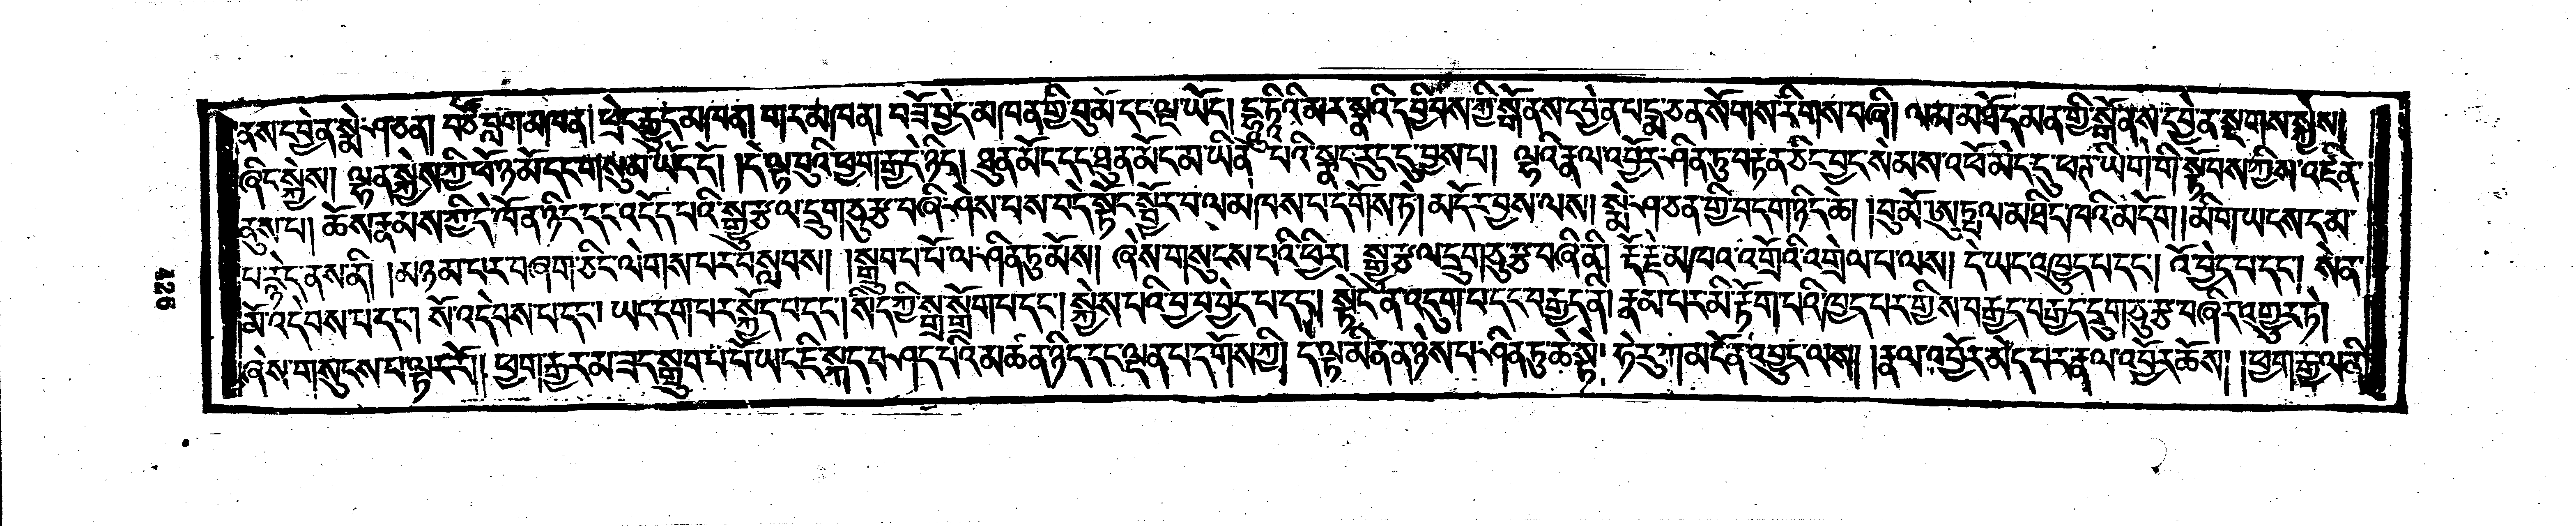ནས་དབྱེ་ན་སྨེ་ཤ་ཅན། བཙོ་བླག་མཁན། ཕྲེང་རྒྱུད་མཁན། གར་མཁན། བཟོ་བྱེད་མཁན་གྱི་བུ་མོ་དང་ལྔ་ཡོད། དྷཱུ་ཏཱིའི་མར་སྣའི་དབྱིབས་ཀྱི་སྒོ་ནས་དབྱེ་ན་པདམ་ཅན་སོགས་རིགས་བཞི། ལམ་མཐོ་དམན་གྱི་སྒོ་ནས་དབྱེ་ན་སྔགས་སྐྱེས།
ཞིང་སྐྱེས། ལྷན་སྐྱེས་ཀྱི་ཕོ་ཉ་མོ་དང་གསུམ་ཡོད་དོ། །དེ་ལྟ་བུའི་ཕྱག་རྒྱ་དེ་ཉིད། ཐུན་མོང་དང་ཐུན་མོང་མ་ཡིན་པའི་སྣོད་རུང་དུ་བྱས་པ། ལྷའི་རྣལ་འབྱོར་ཤིན་ཏུ་བརྟན་ཅིང་བྱང་སེམས་འཕོ་མེད་དུ་ཕཊ་ཡིག་གི་སྟོབས་ཀྱིས་འཛིན་
ནུས་པ། ཆོས་རྣམས་ཀྱི་དེ་ཁོ་ན་ཉིད་དད་འདོད་པའི་སྒྱུ་རྩལ་དྲུག་ཅུ་རྩ་བཞི་ཤེས་པས་བདེ་སྟོང་སྦྱོར་བ་ལ་མཁས་པ་དགོས་ཏེ། མདོར་བྱས་ལ། སྨེ་ཤ་ཅན་གྱི་བདག་ཉིད་ཆེ། །བུ་མོ་ཨུཏྤལ་མཐིང་ཁའི་མདོག །མིག་ཡངས་དམ་
པ་རྙེད་ནས་ནི། །མཉམ་པར་བཞག་ཅིང་ལེགས་པར་བསླབས། །སྒྲུབ་པ་པོ་ལ་ཤིན་ཏུ་མོས། ཞེས་གསུང་པའི་ཕྱིར། སྒྱུ་རྩལ་དྲུག་ཅུ་རྩ་བཞི་ནི། རྡོ་རྗེ་མཁའ་འགྲོའི་འགྲེལ་པ་ལས། དེ་ཡང་འཁྱུད་པ་དང་། འོ་བྱེད་པ་དང་། སེན་
མོ་འདེབས་པ་དང་། སོ་འདེབས་པ་དང་། ཡང་དག་པར་སྐྱོད་པ་དང་། སེད་ཀྱི་སྒྲ་སྒྲོག་པ་དང་། སྐྱེས་པའི་བྱ་བ་བྱེད་པ་དང་། སྟེང་ན་འདུག་པ་དང་བརྒྱད་ནི། རྣམ་པར་མི་རྟོག་པའི་ཁྱད་པར་གྱིས་བརྒྱུད་བརྒྱད་དྲུག་ཅུ་རྩ་བཞིར་འགྱུར་ཏེ།
ཞེས་གསུངས་པ་ལྟར་རོ། །ཕྱག་རྒྱར་མ་ཟད་སྒྲུབ་པ་པོ་ཡང་ཇི་སྐད་བཤད་པའི་མཚན་ཉིད་དང་ལྡན་པ་དགོས་ཀྱི། དེ་ལྟ་མིན་ན་ཉེས་པ་ཤིན་ཏུ་ཆེ་སྟེ། ཧེ་རུ་ཀ་མངོན་འབྱུང་ལས། །རྣལ་འབྱོར་མེད་པར་རྣལ་འབྱོར་ཆོས། །ཕྱག་རྒྱ་ལ་ནི་